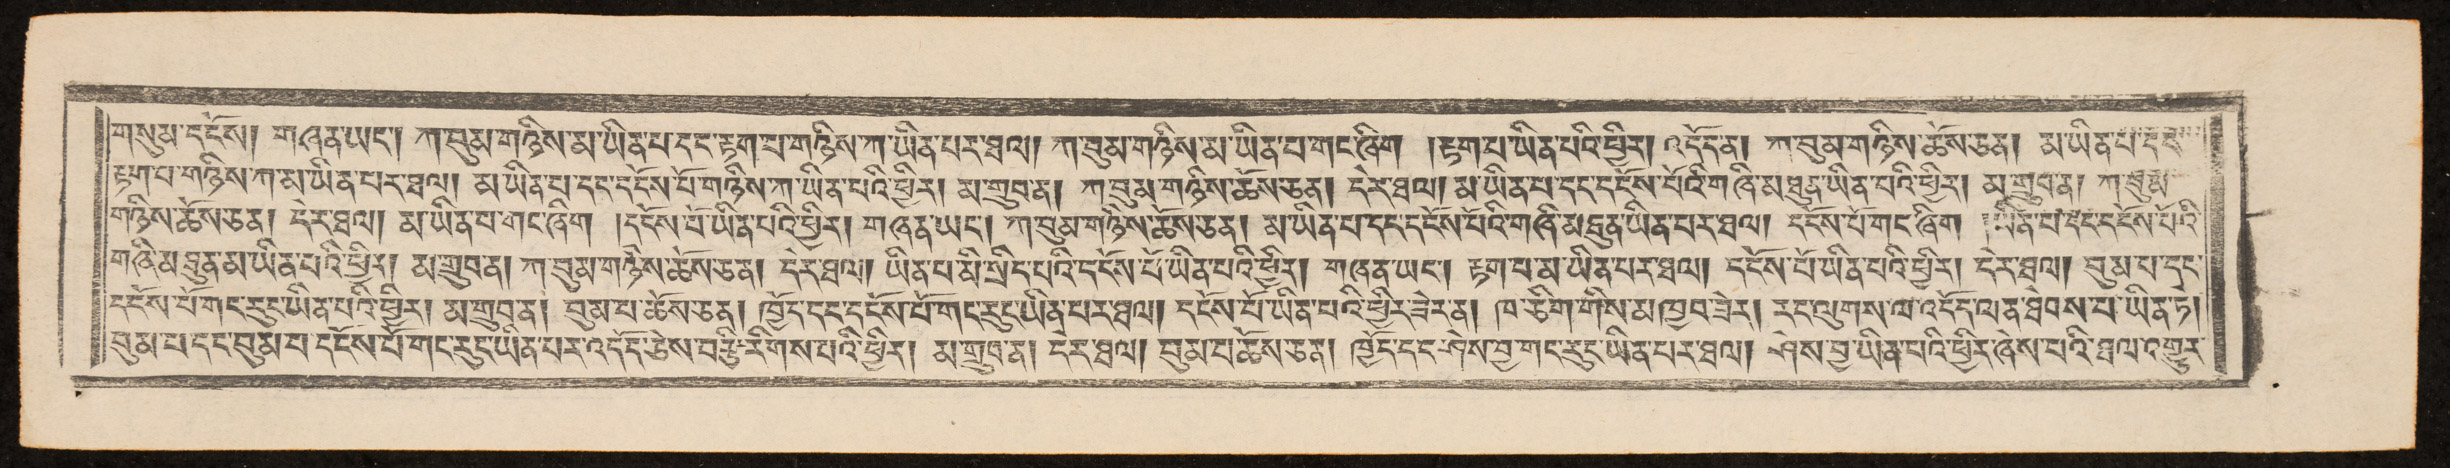གསུམ་དངོས། གཞན་ཡང་། ཀ་བུམ་གཉིས་མ་ཡིན་པ་དང་རྟག་པ་གཉིས་ཀ་ཡིན་པར་ཐལ། ཀ་བུམ་གཉིས་མ་ཡིན་པ་གང་ཞིག །རྟག་པ་ཡིན་པའི་ཕྱིར། འདོད་ན། ཀ་བུམ་གཉིས་ཆོས་ཅན། མ་ཡིན་པ་དང་
རྟག་པ་གཉིས་ཀ་མ་ཡིན་པར་ཐལ། མ་ཡིན་པ་དང་དངོས་པོ་གཉིས་ཀ་ཡིན་པའི་ཕྱིར། མ་གྲུབ་ན། ཀ་བུམ་གཉིས་ཆོས་ཅན། དེར་ཐལ། མ་ཡིན་པ་དང་དངོས་པོའི་གཞི་མཐུན་ཡིན་པའི་ཕྱིར། མ་གྲུབ་ན། ཀ་བུམ་
གཉིས་ཆོས་ཅན། དེར་ཐལ། མ་ཡིན་པ་གང་ཞིག། དངོས་པོ་ཡིན་པའི་ཕྱིར། གཞན་ཡང་། ཀ་བུམ་གཉིས་ཆོས་ཅན། མ་ཡིན་པ་དང་དངོས་པོའི་གཞི་མཐུན་ཡིན་པར་ཐལ། དངོས་པོ་གང་ཞིག། ཡིན་པ་དང་དངོས་པོའི་
གཞི་མཐུན་མ་ཡིན་པའི་ཕྱིར། མ་གྲུབ་ན། ཀ་བུམ་གཉིས་ཆོས་ཅན། དེར་ཐལ། ཡིན་པ་མི་སྲིད་པའི་དངོས་པོ་ཡིན་པའི་ཕྱིར། གཞན་ཡང་། རྟག་པ་མ་ཡིན་པར་ཐལ། དངོས་པོ་ཡིན་པའི་ཕྱིར། དེར་ཐལ། བུམ་པ་དང་
དངོས་པོ་གང་རུང་ཡིན་པའི་ཕྱིར། མ་གྲུབ་ན། བུམ་པ་ཆོས་ཅན། ཁྱོད་དང་དངོས་པོ་གང་རུང་ཡིན་པར་ཐལ། དངོས་པོ་ཡིན་པའི་ཕྱིར་ཟེར་ན། ཁ་ཅིག་གིས་མ་ཁྱབ་ཟེར། རང་ལུགས་ལ་འདོད་ལན་ཐེབས་པ་ཡིན་ཏེ།
བུམ་པ་དང་བུམ་པ་དངོས་པོ་གང་རུང་ཡིན་པར་འདོད་ཅེས་བརྩི་རིགས་པའི་ཕྱིར། མ་གྲུབ་ན། དེར་ཐལ། བུམ་པ་ཆོས་ཅན། ཁྱོད་དང་ཤེས་བྱ་གང་རུང་ཡིན་པར་ཐལ། ཤེས་བྱ་ཡིན་པའི་ཕྱིར་ཞེས་པའི་ཐལ་འགྱུར་